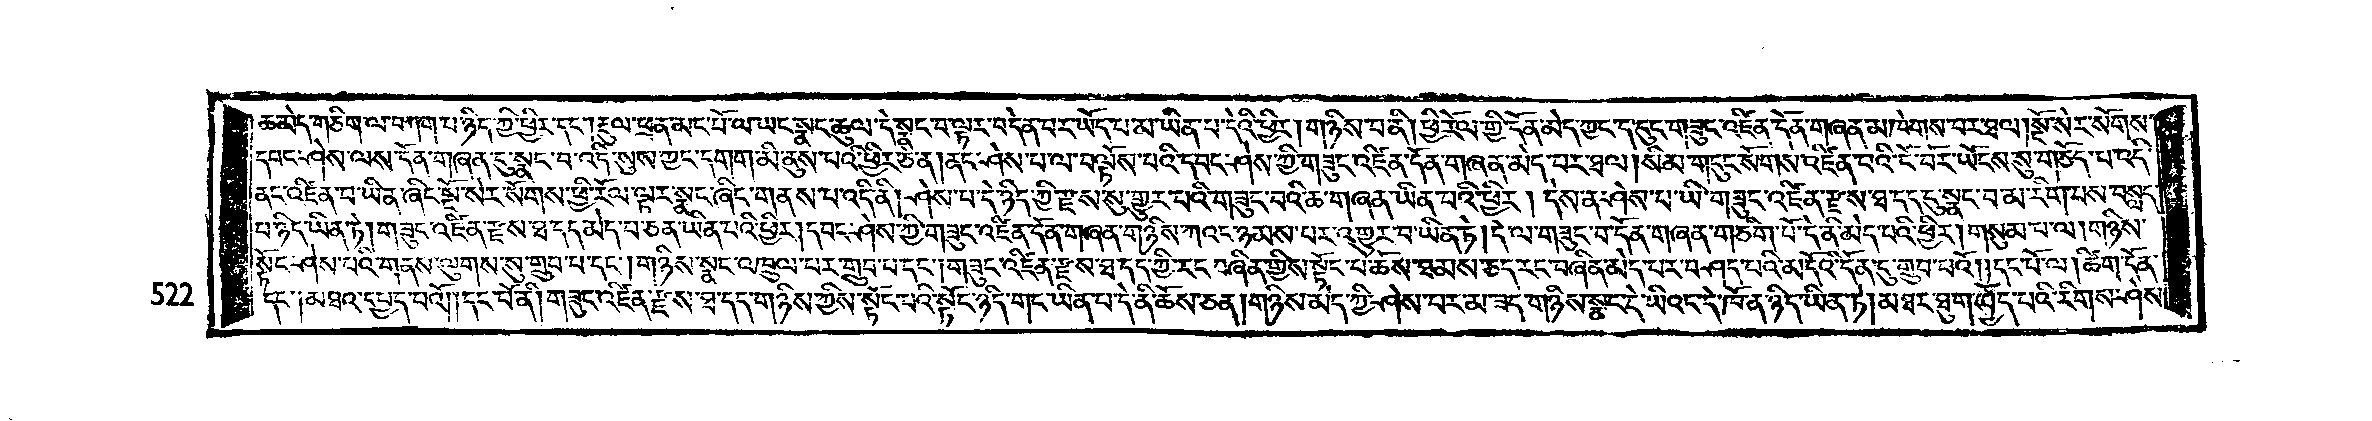ཆ་མེད་གཅིག་ལ་བཀག་པ་ཉིད་ཀྱི་ཕྱིར་དང་། རྡུལ་ཕྲན་མང་པོ་ལ་ཡང་སྣང་ཚུལ་?་དེ་སྣང་བ་ལྟར་བདེན་པར་ཡོད་པ་མ་ཡིན་པ་དེའི་ཕྱིར། གཉིས་པ་ནི། ཕྱི་རོལ་གྱི་དོན་མེད་ཀྱང་ད་དུང་གཟུང་འཛིན་དོན་གཞན་མ་ཁེགས་པར་ཐལ། སྔོ་སེར་སོགས་
དབང་ཤེས་ལས་དོན་གཞན་དུ་སྣང་བ་འདི་སུས་ཀྱང་དགག་མི་ནུས་པའི་ཕྱིར་ཅེ་ན། ནང་ཤེས་པ་ལ་བལྟོས་པའི་དབང་ཤེས་ཀྱི་གཟུང་འཛིན་དོན་གཞན་མེད་པར་ཐལ། སིམ་གདུང་སོགས་འཛིན་པའི་ངོ་བོར་ཡོངས་སུ་གཅོད་པ་འདི་
ནང་འཛིན་པ་ཡིན་ཞིང་སྔོ་སེར་སོགས་ཕྱི་རོལ་ལྟར་སྣང་ཞིང་གནས་པ་འདི་ནི། ཤེས་པ་དེ་ཉིད་ཀྱི་རྫས་སུ་གྱུར་པའི་གཟུང་བའི་ཆ་གཞན་ཡིན་པའི་ཕྱིར། དེས་ན་ཤེས་པ་ཡི་གཟུང་འཛིན་རྫས་ཐ་དད་དུ་སྣང་བ་མ་རིག་པས་བསླད་
པ་ཉིད་ཡིན་ཏེ། གཟུང་འཛིན་རྫས་ཐ་དད་མེད་པ་ཅན་ཡིན་པའི་ཕྱིར། དབང་ཤེས་ཀྱི་གཟུང་འཛིན་དོན་གཞན་གཉིས་ཀའང་ཉམས་པར་འགྱུར་བ་ཡིན་ཏེ། དེ་ལ་གཟུང་བ་དོན་གཞན་གཅིག་པོ་དེ་ནི་མེད་པའི་ཕྱིར། གསུམ་པ་ལ། གཉིས་
སྟོང་ཤེས་པའི་གནས་ལུགས་སུ་གྲུབ་པ་དང་། གཉིས་སྣང་འཁྲུལ་པར་གྲུབ་པ་དང་། གཟུང་འཛིན་རྫས་ཐ་དད་ཀྱི་རང་བཞིན་གྱིས་སྟོང་པ་ཆོས་ཐམས་ཅད་རང་བཞིན་མེད་པར་བཤད་པའི་མདོའི་དོན་དུ་གྲུབ་པའོ། །དང་པོ་ལ། ཚིག་དོན་
དང་། མཐའ་དཔྱད་པའོ། །དང་པོ་ནི། གཟུང་འཛིན་རྫས་ཐ་དད་གཉིས་ཀྱིས་སྟོང་པའི་སྟོང་ཉིད་གང་ཡིན་པ་དེ་ནི་ཆོས་ཅན། གཉིས་མེད་ཀྱི་ཤེས་པར་མ་ཟད་གཉིས་སྣང་དེ་ཡི་འང་?་དེ་ཁོ་ན་ཉིད་ཡིན་ཏེ། མཐར་ཐུག་དཔྱོད་པའི་རིགས་ཤེས་